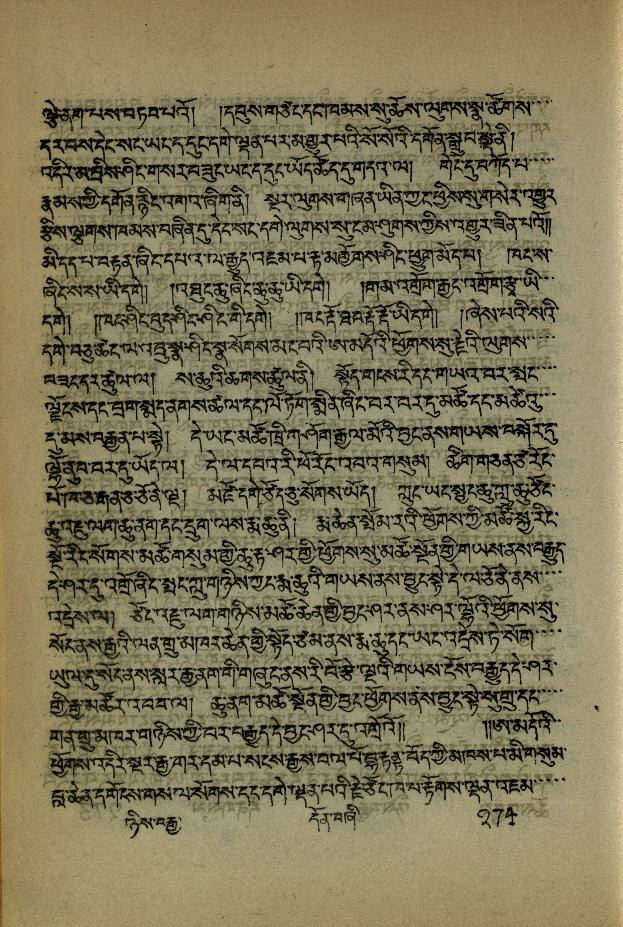ལྕེ་ནག་པས་བཏབ་པའོ། །དབུས་གཙང་དང་ཁམས་སུ་ཆོས་ལུགས་སྣ་ཚོགས་
དར་བས་དེང་སང་ཡང་ད་དུང་དགེ་ལྡན་པར་མ་གྱུར་པའི་སོ་སོའི་དགོན་སྒྲུབ་སྡེ་ནི།
འདིར་མ་བྲིས་ཤིང་གསར་བཟུང་ཡང་ད་དུང་ཡོད་ཚོད་དུ་གདའ་ལ། གོང་དུ་བཀོད་པ་
རྣམས་ཀྱི་དགོན་རྙིང་འགའ་ཞིག་ནི། སྔར་ལུགས་གཞན་ཡིན་ཀྱང་ཕྱིས་སུ་གསེར་འགྱུར་
རྩིས་ལྕགས་ཁམས་བཞིན་དུ་དེང་སང་དགེ་ལུགས་སུ་ངམ་ཤུགས་ཀྱིས་འགྱུར་ཟིན་པའོ།།
མི་དད་པ་བརྟན་ཞིང་དཔའ་ལ་རྒྱུད་འཇམ་པ་རྟ་མགྱོགས་ཤིང་ཕྱུག་མོད་པ། ཁང་ས་
ཞིང་ས་ས་ཡི་དགེ། །འཐུང་ཆུ་ཞིང་ཆུ་ཆུ་ཡི་དགེ། །གམ་འགྲོག་རྒྱང་འགྲོག་རྩྭ་ཡི་
དགེ། །ཁང་ཤིང་བུད་ཤིང་ཤིང་གི་དགེ། །ཁང་རྡོ་ཐབ་རྡོ་རྗེ་ཡི་དགེ། །ཞེས་པའི་སའི་
དགེ་བཅུ་ཚང་ལ་འབྲུ་སྣ་ཤིང་སྣ་སོགས་མང་བའི་ཨ་མདོའི་ཕྱོགས་སུ་རྗེའི་ལུགས་
བཟང་དར་ཚུལ་ལ། ས་ཆུའི་ཆགས་ཚུལ་ནི། སྟོད་གངས་རི་དང་གཡའ་བར་སྤང་
ལྗོངས་དང་བྲག་སྨད་ནགས་ཚལ་དང་ལོ་ཏོག་སྨིན་ཞིང་བར་བར་དུ་མཚོ་དང་མཚེའུ་
དུ་མས་བརྒྱན་པ་སྟེ། དེ་ཡང་མཚོ་ཁྲི་གཤོག་རྒྱལ་མོའི་བྱང་ནས་གཡས་བསྐོར་དུ་
ལྷོ་ནུབ་པར་དུ་ཡོད་ལ། དེ་ལ་དབའ་རི་ཕོ་རོང་འབའ་གསུམ། ཚིག་གཅན་ཙ་རོང་
པོ་ཁ་ཅ་རྒན་ཅ་ཅོ་ནེ་ལྔ། མཛོ་དགེ་ཙོད་ཅུ་སོགས་ཡོད། ཀླུང་ཡང་སྤྱང་ཆུ་ཀླུ་ཆུ་ཙོང་
ཆུ་འཇུ་ལག་ཆུ་ནག་དང་དྲུག་ལས་རྨ་ཆུ་ནི། རྨ་ཆེན་སྤོམ་རའི་ཕྱོགས་ཀྱི་མཚོ་སྐྱ་རིང་
སྔོ་རིང་སོགས་མཚོ་གསུམ་གྱི་ཆུ་རྟ་ཤར་གྱི་ཕྱོགས་སུ་མཚོ་སྔོན་གྱི་གཡས་ནས་བརྒྱུད་
དེ་ཤར་དུ་འགྲོ་ཞིང་སྤང་ཀླུ་གཉིས་ཀྱང་རྨ་ཆུའི་གཡས་ནས་བྱུང་སྟེ་དེ་ལ་ཅོ་ནེ་ནས་
འདྲེས་ལ། ཙོང་འཇུ་ལག་གཉིས་མཚོ་ཆེན་གྱི་བྱང་ཤར་ནས་ཤར་ལྷོའི་ཕྱོགས་སུ་
སོང་ནས་རྒྱའི་ལན་གྲུ་མཁར་ཆེན་གྱི་སྟོད་ཙམ་ནས་རྨ་ཆུ་དང་ཡང་འདྲེས་ཏེ་སོག་
ཡུལ་དུ་སོང་ནས་སླར་རྒྱ་ནག་གི་གཞུང་ནས་རི་བོ་རྩེ་ལྔའི་གཡས་ངོས་བརྒྱུད་དེ་ཤར་
གྱི་རྒྱ་མཚོར་འབབ་ལ། ཆུ་ནག་མཚོ་སྔོན་གྱི་བྱང་ཕྱོགས་ནས་བྱུང་སྟེ་སུ་གྲུ་དང་
གན་གྲུ་མཁར་གཉིས་ཀྱི་བར་བརྒྱུད་དེ་བྱང་ཤར་དུ་འགྲོའོ།། །།ཨ་མདོའི་
ཕྱོགས་འདིར་སྔར་རྒྱ་གར་དམ་པ་སངས་རྒྱས་བལ་པོ་བྷ་རཏྣ་བོད་ཀྱི་མཁས་པ་མི་གསུམ་
བླ་ཆེན་དགོངས་གསལ་སོགས་དང་དགེ་ལྡན་པའི་རྗེ་ཙོང་ཁ་པ་རྟོགས་ལྡན་འཇམ་